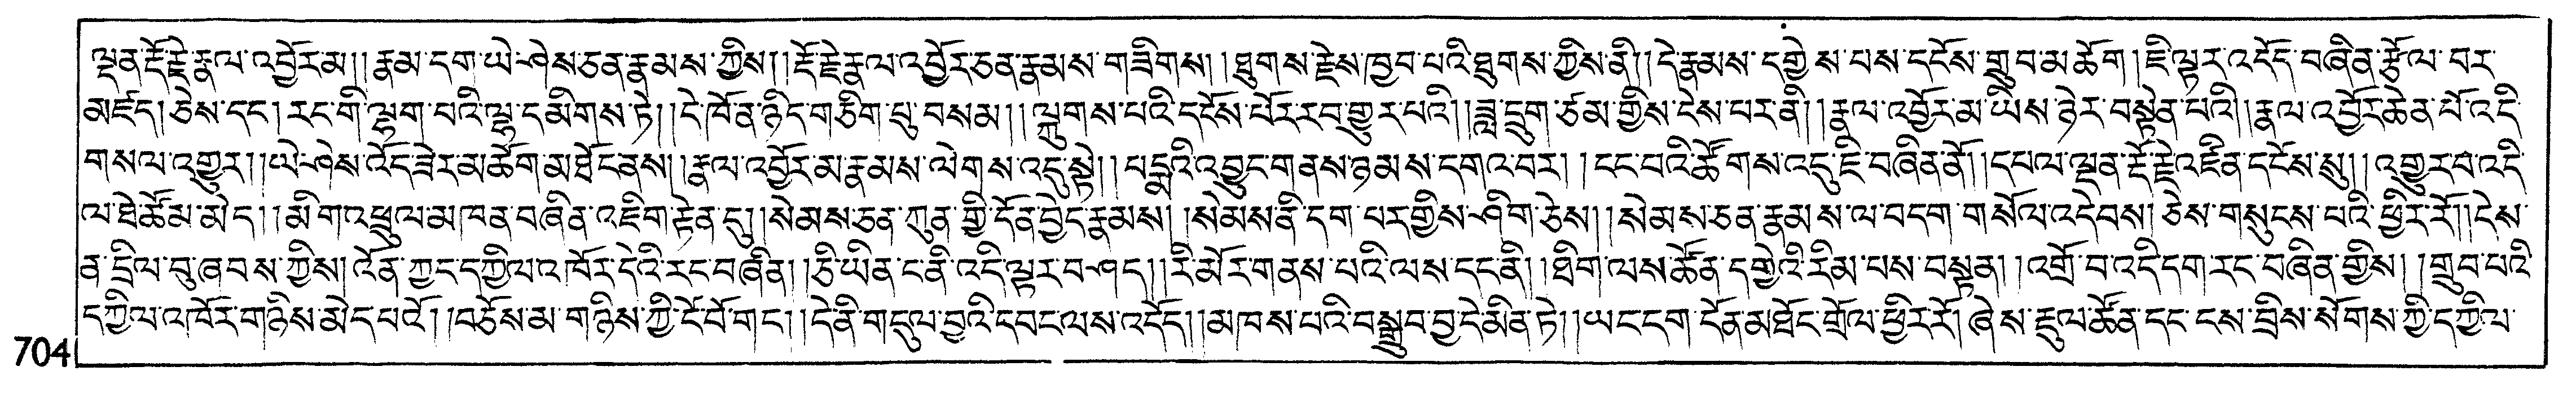ལྡན་རྡོ་རྗེ་རྣལ་འབྱོར་མ། །རྣམ་དག་ཡེ་ཤེས་ཅན་རྣམས་ཀྱིས། །རྡོ་རྗེ་རྣལ་འབྱོར་ཅན་རྣམས་གཟིགས། །ཐུགས་རྗེས་ཁྱབ་པའི་ཐུགས་ཀྱིས་ནི། །དེ་རྣམས་དགྱེས་པས་དངོས་གྲུབ་མཆོག །ཇི་ལྟར་འདོད་བཞིན་རྩོལ་བར་
མཛད། ཅེས་དང་། རང་གི་ལྷག་པའི་ལྷ་དམིགས་ཏེ། །དེ་ཁོ་ན་ཉིད་གཅིག་པུ་བསམ། །ལྐུགས་པའི་དངོས་པོར་རབ་གྱུར་པའི། །ཟླ་དྲུག་ཙམ་གྱིས་ངེས་པར་ནི། །རྣལ་འབྱོར་མ་ཡིས་ཉེར་བསྟེན་པའི། །རྣལ་འབྱོར་ཆེན་པོ་འདི་
གསལ་འགྱུར། །ཡེ་ཤེས་འོད་ཟེར་མཆོག་མཐོང་ནས། །རྣལ་འབྱོར་མ་རྣམས་ལེགས་འདུ་སྟེ། །པདམའི་འབྱུང་གནས་ཉམས་དགའ་བར། །ངང་པའི་ཚོགས་འདུ་ཇི་བཞིན་ནོ། །དཔལ་ལྡན་རྡོ་རྗེ་འཛིན་དངོས་སུ། །འགྱུར་བ་འདི་
ལ་ཐེ་ཚོམ་མེད། །མིག་འཕྲུལ་མཁན་བཞིན་འཇིག་རྟེན་དུ། །སེམས་ཅན་ཀུན་གྱི་དོན་བྱེད་རྣམས། །སེམས་ནི་དག་པར་གྱིས་ཤིག་ཅེས། །སེམས་ཅན་རྣམས་ལ་བདག་གསོལ་འདེབས། ཅེས་གསུངས་པའི་ཕྱིར་རོ། །དེས་
ན་དྲིལ་བུ་ཞབས་ཀྱིས། འོན་ཀྱང་དཀྱིལ་འཁོར་དེའི་རང་བཞིན། །ཅི་ཡིན་ང་ནི་འདི་ལྟར་བཤད། །རི་མོར་གནས་པའི་ལས་དང་ནི། །ཐིག་ལས་ཚོན་དགྱེའི་རིམ་པས་བསྟན། །འགྲོ་བ་འདི་དག་རང་བཞིན་གྱིས། །གྲུབ་པའི་
དཀྱིལ་འཁོར་གཉིས་མེད་པའོ། །བཅོས་མ་གཉིས་ཀྱི་ངོ་བོ་གང་། །དེ་ནི་གདུལ་བྱའི་དབང་ལས་འདོད། །མཁས་པའི་བསྒྲུབ་བྱ་དེ་མིན་ཏེ། །ཡང་དག་དོན་མཐོང་གྲོལ་ཕྱིར་རོ། ཞེས་རྡུལ་ཚོན་དང་ངས་བྲིས་སོགས་ཀྱི་དཀྱིལ་